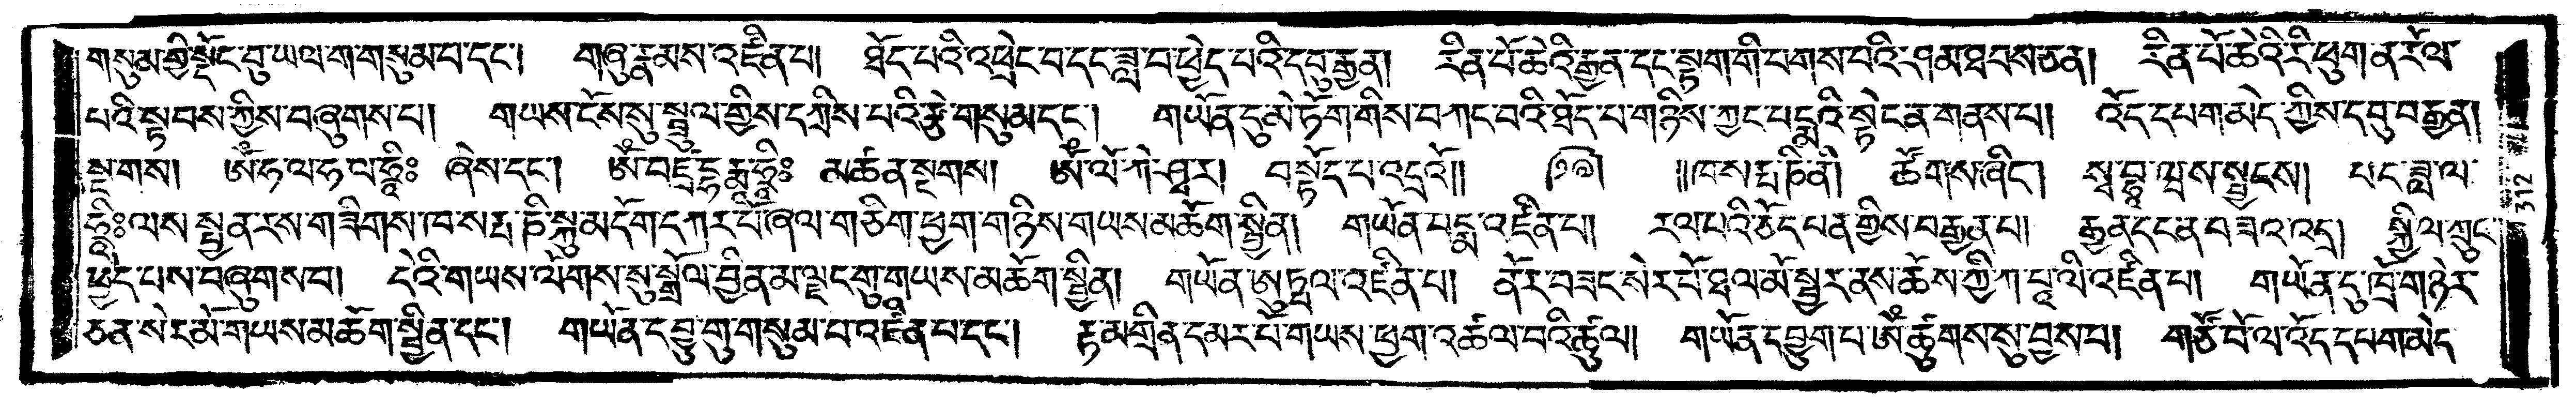གསུམ་གྱི་སྡོང་བུ་ཡལ་ག་གསུམ་པ་དང་། གཞུ་རྣམས་འཛིན་པ། ཐོད་པའི་འཕྲེང་བ་དང་ཟླ་བ་ཕྱེད་པའི་དབུ་རྒྱན། རིན་པོ་ཆེའི་རྒྱན་དང་སྟག་གི་བགས་པའི་ཤམ་ཐབས་ཅན། རིན་པོ་ཆེའི་རི་ཕུག་ན་རོལ་
པའི་སྟབས་ཀྱིས་བཞུགས་པ། གཡས་ངོས་སུ་སྦྲུལ་གྱིས་དཀྲིས་པའི་རྩེ་གསུམ་དང་། གཡོན་དུ་མེ་ཏོག་གིས་བཀང་བའི་ཐོད་པ་གཉིས་ཀྱང་པདམའི་སྟེང་ན་གནས་པ། འོད་དཔག་མེད་ཀྱིས་དབུ་བརྒྱན།
སྔགས། ཨོཾ་ཧ་ལ་ཧ་ལ་ཧྲཱིཿ ཞེས་དང་། ཨོཾ་བཛྲ་དྷརྨཱ་ཧྲཱིཿ མཚན་སྔགས། ཨོཾ་ལོ་ཀེ་ཤྭ་ར། བསྟོད་པ་འདྲའོ།། ༡༩?་།།ཁ་སརྤ་ཎི་ནི། ཚོགས་ཞིང་། སྭ་བྷཱ་ཝ་ས་སྦྱངས། པད་ཟླ་ལ་
ཧྲཱིཿལས་སྤྱན་རས་གཟིགས་ཁ་སརྦ་ཎི་སྐུ་མདོག་དཀར་པོ་ཞལ་གཅིག་ཕྱག་གཉིས་གཡས་མཆོག་སྦྱིན། གཡོན་པདམ་འཛིན་པ། རལ་པའི་ཅོད་པན་གྱིས་བརྒྱན་པ། རྒྱན་དང་ན་བཟའ་འདྲ། སྐྱིལ་ཀྲུང་
ཕྱེད་པས་བཞུགས་བ། དེའི་གཡས་ལོགས་སུ་སྒྲོལ་བྱིན་མ་ལྗང་གུ་གཡས་མཆོག་སྦྱིན། གཡོན་ཨུཏྤལ་འཛིན་པ། ནོར་བཟང་སེར་པོ་ཐལ་མོ་སྦྱར་ནས་ཆོས་ཀྱི་ཀ་པཱ་ལི་འཛིན་པ། གཡོན་དུ་ཁྲོ་གཉེར་
ཅན་སེར་མོ་གཡས་མཆོག་སྦྱིན་དང་། གཡོན་དབྱུ་གུ་གསུམ་པ་འཛིན་པ་དང་། རྟ་མགྲིན་དམར་པོ་གཡས་ཕྱག་འཚལ་བའི་ཚུལ། གཡོན་དབྱུག་པ་ཨོཾ་ཚུགས་སུ་བྱས་པ། གཙོ་བོ་ལ་འོད་དཔག་མེད་